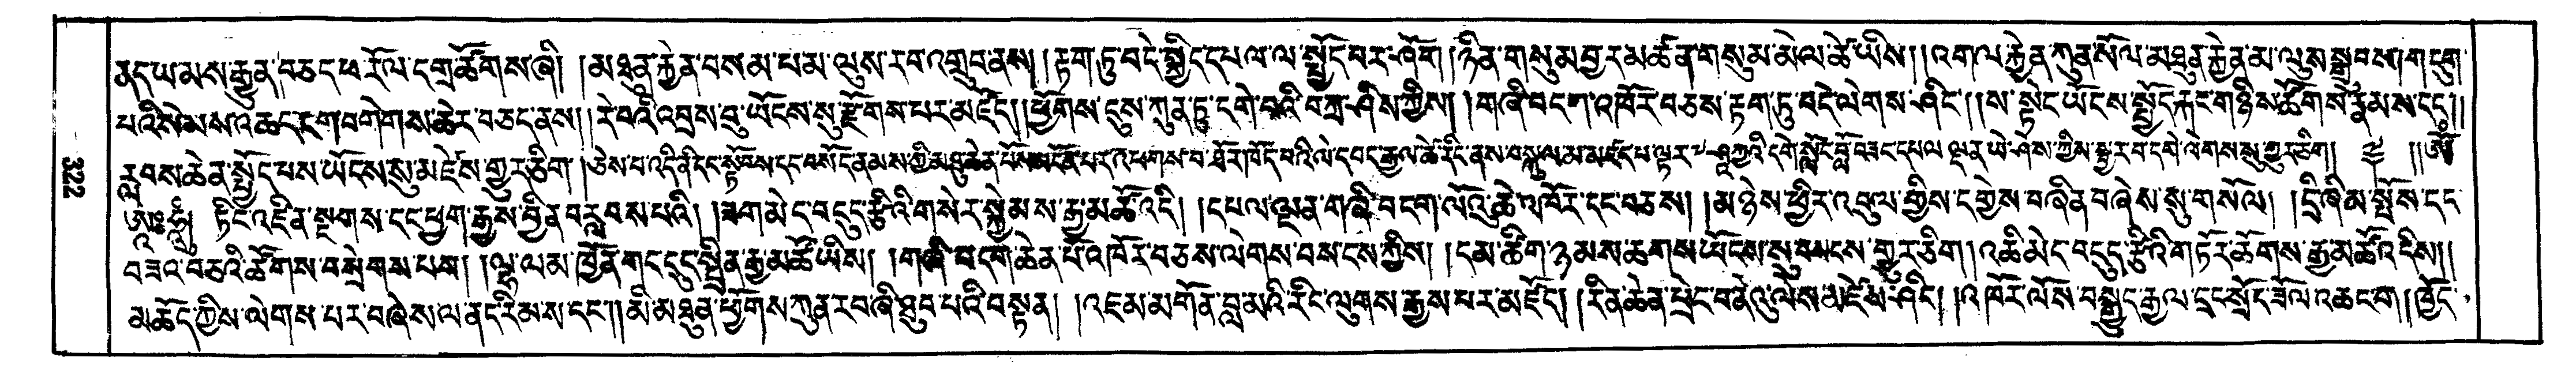ནད་ཡམས་རྒྱུན་བཅད་ཕ་རོལ་དགྲ་ཚོགས་ཞི། །མཐུ་རྐྱེན་བསམ་པ་མ་ལུས་རབ་འགྲུབ་ནས། །རྟག་ཏུ་བདེ་སྐྱིད་དཔལ་ལ་སྤྱོད་པར་ཤོག །ཉིན་གསུམ་བྱར་མཚན་གསུམ་མེལ་ཚེ་ཡིས། །འགལ་རྐྱེན་ཀུན་སོལ་མཐུན་རྐྱེན་མ་ལུས་སྒྲུབས། །གདུག་
པའི་སམས་འཆང་དགྲ་བགེགས་ཚར་བཅད་ནས། །རེ་བའི་འབྲས་བུ་ཡོངས་སུ་རྫོགས་པར་མཛོད། །ཕྱོགས་སུ་ཀུན་ཏུ་དགེ་བའི་བཀྲ་ཤིས་ཀྱིས། །གཞི་བདག་འཁོར་བཅས་རྟག་ཏུ་བདེ་ལེགས་ཤིང་། །ས་སྟེང་ཡོངས་སྤྱོད་རྐང་གཉིས་ཚོགས་རྣམས་དང་།
རླབས་ཆེན་སྤྱོད་པས་ཡོངས་སུ་མཛེས་རྒྱུར་ཅིག ། ཅེས་པ་འདི་ནི་དད་སྟོབས་དང་བསོད་ནམས་ཀྱི་མཐུ་ཆེན་པོས་མངོན་པར་འཕགས་པ་ཐོར་ཁོད་པའི་ལེ་དབང་རྒྱལ་ཚེ་རིང་ནས་བསྐུལ་མ་མཛད་པ་ལྟར་ཤྰྐྱའི་དགེ་སློང་བློ་བཟང་དཔལ་ལྡན་ཡེ་ཤེས་ཀྱིས་སྦྱར་བ་དགེ་ལེགས་སུ་གྱུར་ཅིག།  ༈ །།ཨོཾ་
ཨཱཿ ཧཱུཾ། ཏིང་འཛིན་སྔགས་དང་ཕྱག་རྒྱས་བྱིན་བརླབས་པའི། །ཟག་མེད་བདུད་རྩིའི་གསེར་སྐྱེམས་རྒྱ་མཚོ་འདི། །དཔལ་ལྡན་གཞི་བདག་ལོའུ་ཆེ་འཁོར་དང་བཅས། །མཉེས་ཕྱིར་འབུལ་གྱིས་དགྱེས་བཞིན་སུ་གསོལ། །དྲི་ཞིམ་སྤོས་དང་
བཟའ་བཅའི་ཚོགས་བསྲེགས་པས། །ལྷ་ལ་མ་ཁྱོན་གང་དུང་སྤྲིན་རྒྱ་མཚོ་ཡིས། །གཞི་བདག་ཆེན་པོ་འཁོར་བཅས་ལེགས་བསངས་ཀྱིས། །དམ་ཚིག་ཉམས་ཆགས་ཡོངས་སུ་བསངས་གྱུར་ཅིག། །འཆི་མེད་བདུད་རྩིའི་གཏོར་ཚོགས་རྒྱ་མཚོ་འདིས། །
མཆོད་ཀྱིས་ལེགས་པར་བཞེས་ལ་ནད་རིམས་དང་། །མི་མཐུན་ཕྱོགས་ཀུན་རབ་ཞུ་ཐུབ་པའི་བསྟན། །འཇམ་མགོན་བླ་མའི་རིང་ལུགས་རྒྱས་པར་མཛོད། །རིན་ཆེན་ཕྲེང་བ་ནེའུ་ལེས་མཛེས་ཤིང་། །འཁོར་ལོས་བསྒྱུར་རྒྱལ་དྲང་སྲོང་ཟོལ་འཆང་བ༑ ༑ཁྱོད་